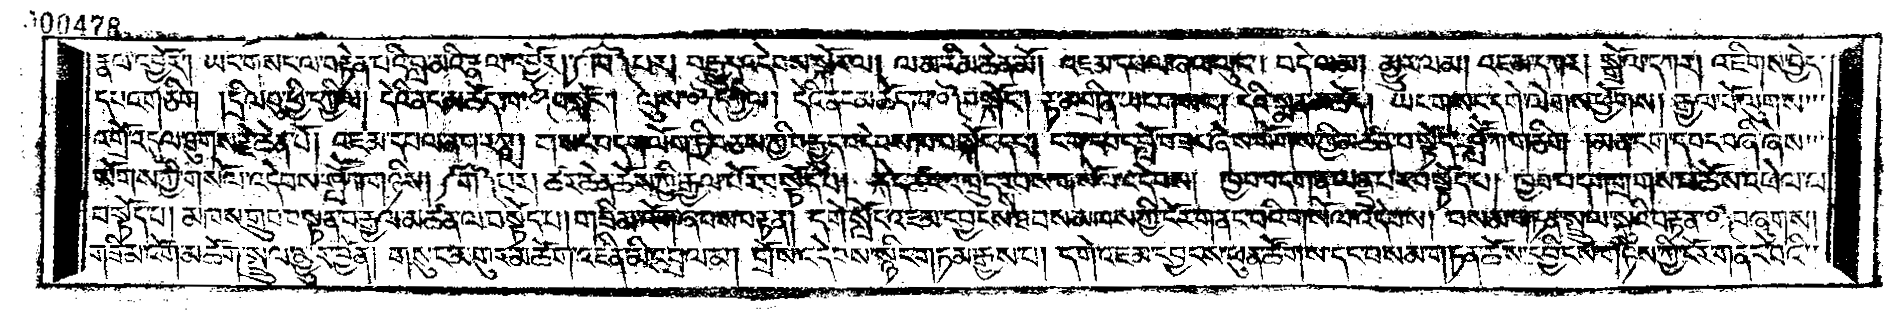རྣལ་འབྱོར། ཡང་གསང་ལ་བརྟེན་པའི་བླ་མའི་རྣལ་འབྱོར། ༼ཁ༽ པར། བརྒྱུད་འདེབས་སྐོར་ལ། ལམ་རིམ་ཆེན་མོ། འཇམ་དཔལ་ཞལ་ལུང་། བདེ་ལམ། མྱུར་ལམ། འཇམ་དཀར། སྒྲོལ་དཀར། འཇིགས་བྱེད་
དཔའ་གཅིག །དྲིལ་བུ་ཕྱི་དཀྱིལ། དེའི་ནང་མཆོད་ཁ་྾༼་བསྐོང་། ལུས་྾༽ དཀྱིལ། དེའི་ནང་མཆོད་ཁ་྾་བསྐོང་། རྟ་མགྲིན་ཡང་གསང་། དེའི་སྨན་མཆོད། ཡང་གསང་དགེ་ལེགས་ཕྱོགས། རྒྱལ་པོ་ལུགས་
འགྲོ་འདུལ་ཐུགས་རྗེ་ཆེན་པོ། འཇམ་དཔལ་ནག་རཀྵ། གསང་བདག་ལོག་ཏྲི་བཅས་ཀྱི་བརྒྱུད་འདེབས་ཁ་བསྐོང་དང་། ངག་དབང་བློ་བཟང་ཞེས་སོགས་ཀྱི་མཚན་བསྟོད་ཤོལོཀ་གཅིག །མན་ངག་དབང་བཞི་ཞེས་
སོགས་ཀྱི་གསོལ་འདེབས་ཤོལོ་ཀ་གཉིས། ༼ག༽ པར། ཚར་ཆེན་ཆོས་ཀྱི་རྒྱལ་པོར་བསྟོད་པ། རྐེད་ཚང་འཁྲུང་རབས་གསོལ་འདེབས། ཁྱབ་བདག་ན་ལཎྡ་པར་བསྟོད་པ། ཁྱབ་བདག་གྲགས་པ་ཆོས་འཕེལ་ལ་
བསྟོད་པ། མཁས་གྲུབ་བསྟན་པ་རྒྱལ་མཚན་ལ་བསྟོད་པ། གཟིམ་འོག་ཞབས་བརྟན། དགེ་སློང་འཇམ་དབྱངས་ཐབས་མཁས་ཀྱི་ངོར་གནང་བའི་གསོལ་འདེབས། བསམ་གཏན་སྤྲུལ་སྐུའི་བརྟན་྾་བཞུགས།
གཟིམ་འོག་མཆོག་སྤྲུལ་མྱུར་བྱོན། གསུང་མགུར་མཆོག་འཛིན་མི་འབྲལ་མ། གྲོས་འདེབས་སྙིང་གཏམ་རྒྱས་པ། དགེ་འཇམ་དབྱངས་ཕུན་ཚོགས་དང་བསམ་གཏན་ཆོས་དབྱངས་གཉིས་ཀྱི་ངོར་གནང་བའི་